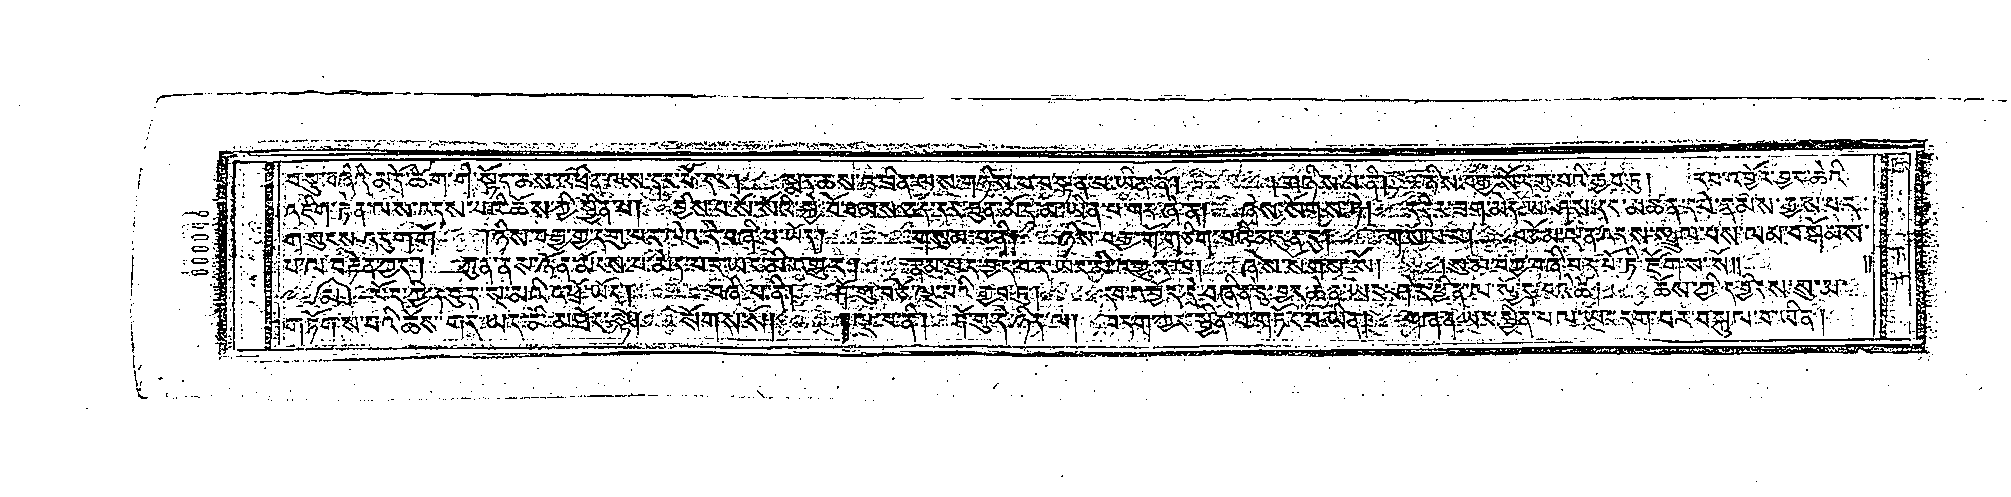བསྡུ་བཞིའི་མདོ་ཚིག་གི་སྟོད་ཆས་འཕྲིན་ལས་དང་པོ་དང་། སྨད་ཆས་འཕྲིན་ལས་གཉིས་པ་བསྟན་པ་ཡིན་ནོ། །གཉིས་པ་ནི། ཉིས་བརྒྱ་སོ་དགུ་བའི་རྒྱབ་ཏུ། རབ་འབྱོར་བྱད་ཆེའི་
འཇིག་རྟེན་ལས་འདས་པའི་ཆོས་ཀྱི་སྦྱིན་པ། བྱིས་པ་སོ་སོའི་སྐྱེ་བོ་ཐམས་ཅད་དང་ཐུན་མོང་མ་ཡིན་པ་གང་ཞེ་ན། ཞེས་སོགས་ཏེ། འདིར་ཟག་མེད་ཡེ་ཤེས་དང་མཚན་དཔེ་རྣམས་རྒྱས་པར་
གསུངས་འདུག་གོ །ཉིས་བརྒྱ་གྱ་དགུ་པར་ལེའུ་དེ་བཞི་པ་ཡོད། གསུམ་པ་ནི། ཉིས་བརྒྱ་གོ་གཅིག་པའི་མདུན་དུ། གསོལ་པ། བཅོམ་ལྡན་འདས་སྤྲུལ་པས་ལམ་བསྒོམས་
པ་ལ་བརྟེན་ཀྱང་། ཀུན་ནས་ཉོན་མོངས་པ་མེད་པར་ཡང་མི་འགྱུར། རྣམ་པར་བྱད་བར་ཡང་མི་འགྱུར་ལ། ཞེས་སོགས་སོ། །སུམ་བརྒྱ་བཞི་པར་པོ་ཏི་ཛོགས་སོ།། །།
༧་མ྄་པོད་ཀྱི་དབུར་སྔ་མའི་འཕྲོ་ཡོད། བཞི་པ་ནི། ཤོ་གུ་བཅོ་ལྔ་པའི་རྒྱབ་ཏུ། རབ་འབྱོར་དེ་བཞིན་དུ་བྱང་ཆེན་ཡང་ཤེར་ཕྱིན་ལ་སྤྱོད་པའི་ཚེ། ཆོས་ཀྱི་དབྱིངས་སུ་མ་
གཏོགས་པའི་ཆོས་གང་ཡང་མི་མཐོང་སྟེ། སོགས་སོ། ལྔ་པ་ནི། ཤོ་གུ་དེ་ཉིད་ལ། བདག་ཀྱང་སྦྱིན་པ་གཏོང་བ་ཡིན། གཞན་ཡང་སྦྱིན་པ་ལ་ཡང་དག་བར་བསྐུལ་བ་ཡིན།